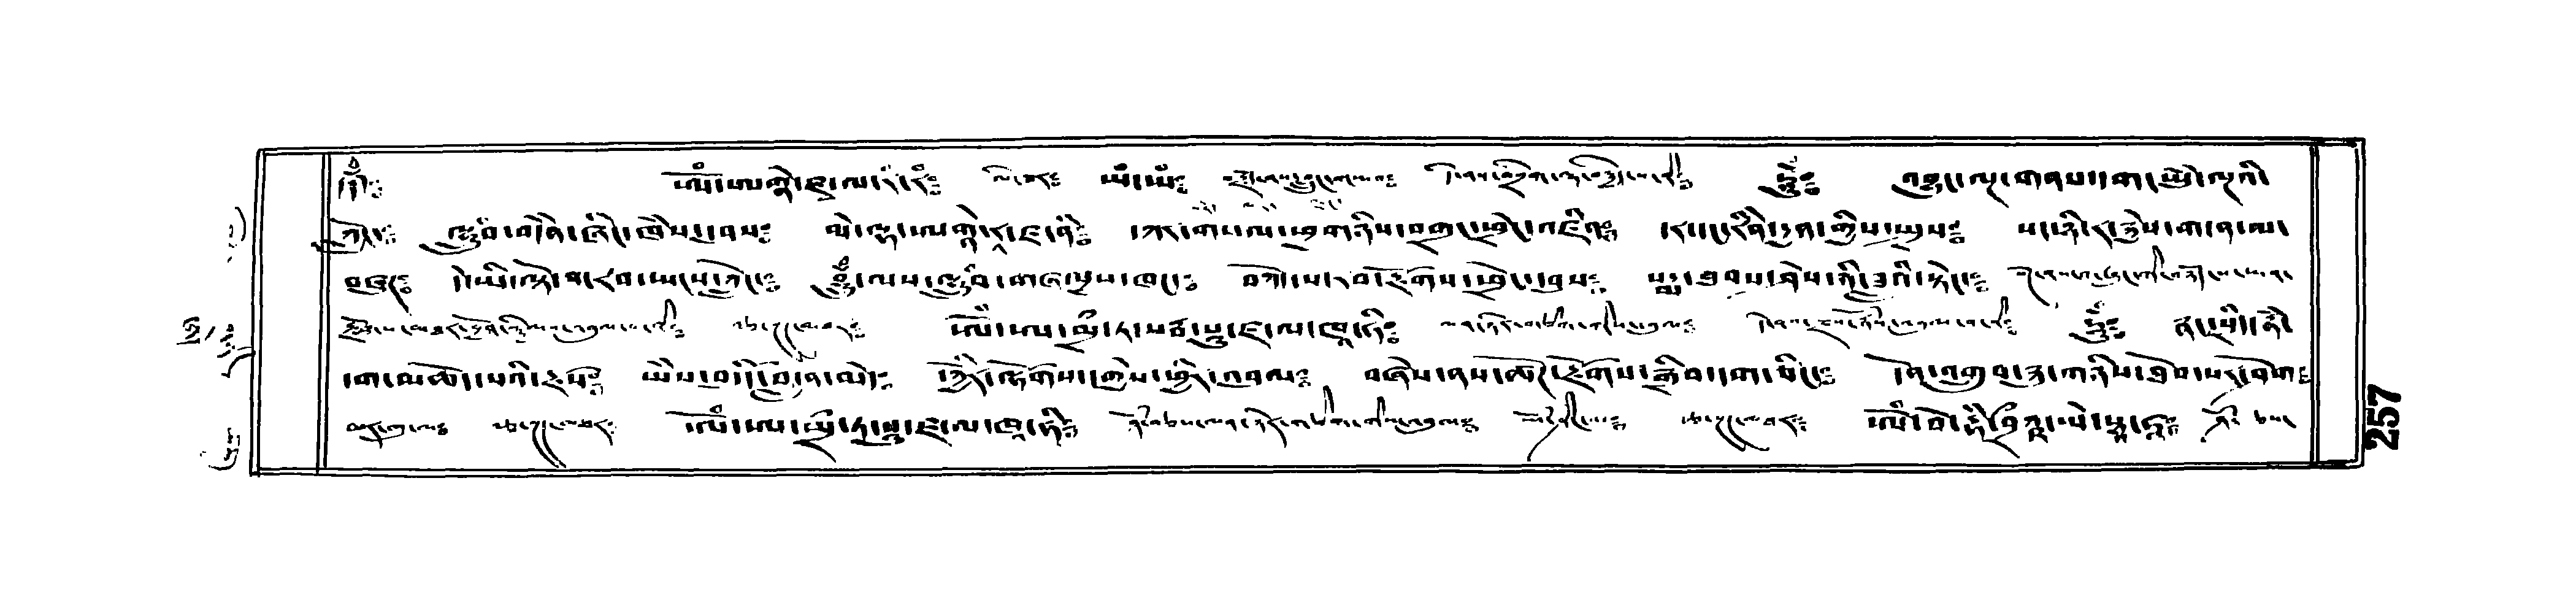ཨོཾ་ཨགྣེ་ཛྭ་ལ་རཾ་རཾ༔ མེ་སྦར༔ ཡཾ་ཡཾ༔ བརྗོད་ནས་རླུང་གཡབ༔ དེ་ནས་སྲེག་ལྷ་བསྐྱེད་པ་ནི༔ ཧཱུྃ༔ འབྱུང་ལྔ་གནས་དག་ཡུམ་ལྔའི་
ཀློང༔ ལྷུན་གྲུབ་བདེ་ཆེན་ཞིང་ཁམས་དབུས༔ མེ་ལྷ་ཨགྣེ་རཱ་ཛ་ནི༔ དཀར་གསལ་ཕྱག་གཉིས་བགྲང་ཕྲེང་འཛིན༔ དར་དང་རིན་ཆེན་རྒྱན་གྱིས་སྤྲས༔ པད་ཉི་ར་སྐྱེས་གདན་ལ་
བཞུགས༔ དེ་ཡི་ལྟོ་བ་རབ་ཡངས་ཀློང༔ བྷྲཱུྃ་ལས་ལྷུན་གྲུབ་གཞལ་ཡས་ཁང༔ བཀོད་པ་རབ་རྫོགས་ཕོ་བྲང་དབུས༔ པདྨ་ཐབས་ཤེས་ཉི་ཟླའི་སྟེང༔ སོགས་ནས་གཞུང་གི་བསྟོད་པ་ཡན་
རྫོགས་མཐར་བྱོན་སྐྱེམས་འབུལ་བ་ནི༔ རྩ་སྔགས་མཐར༔ ཨོཾ་ཨ་མྲྀ་ཏ་སརྦ་པཱུ་ཛ་ལ་ཁཱ་ཧི༔ ལན་ཉེར་གཅིག་གིས་འབུལ༔དེ་ནས་རྫས་རྣམས་འབུལ་བ་ནི༔ ཧཱུྃ༔ སྣང་སྲིད་རྣམ་
དག་མཆོད་པའི་རྫས༔ ཡེ་ཤེས་བདུད་རྩི་བླ་ན་མེད༔ དཀྱིལ་འཁོར་ལྷ་ཚོགས་དགྱེས་ཕྱིར་འབུལ༔ བཞེས་ནས་ཚོགས་རྫོགས་སྒྲིབ་དག་ཅིང༔ དོན་འགྲུབ་སྐུ་གཉིས་ཐོབ་པར་ཤོག༔ 
མར་ཁུ་ལ༔ རྩ་སྔགས་མཐར༔ ཨོཾ་ཨ་མྲྀ་ཏ་པཱུ་ཛ་ལ་ཁཱ་ཧི༔ ཤམ་བཅས་ལན་ཉེར་གཅིག་གིས་འབུལ༔ ཡམ་ཤིང་ལ༔ རྩ་སྔགས་མཐར༔ ཨོཾ་བོ་དྷི་བྲྀཀྵ་ཡེ་སྭཱ་ཧཱ༔ ཤམ་བཅས་